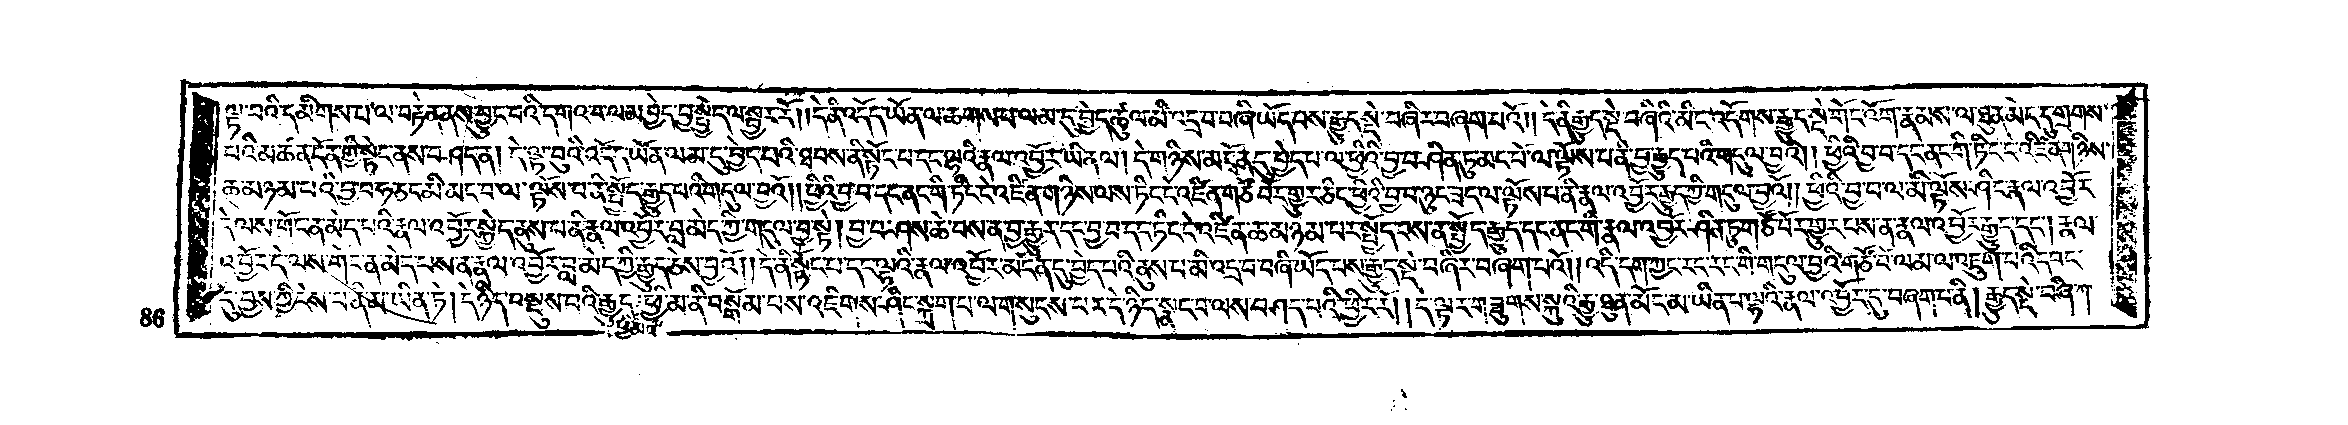ལྟ་བའི་དམིགས་པ་ལ་བརྟེན་ནས་བྱུང་བའི་དགའ་བ་ལམ་བྱེད་བྱ་སྤྱོད་ལ་སྦྱར་རོ། །དེ་ནི་འདོད་ཡོན་ལ་ཆགས་པ་ལམ་དུ་བྱེད་ཚུལ་མི་འདྲ་བ་བཞི་ཡོད་པས་རྒྱུད་སྡེ་བཞིར་བཞག་པའོ། །དེ་ནི་རྒྱུད་སྡེ་བཞིའི་མིང་འདོགས་རྒྱུད་སྡེ་གོང་འོག་རྣམས་ལ་ཐུན་མོང་དུ་གྲགས་
པའི་མཚན་དོན་གྱི་སྟེང་ནས་བཤད་ན། དེ་ལྟ་བུའི་འདོད་ཡོན་ལམ་དུ་བྱེད་པའི་ཐབས་ནི་སྟོང་པ་དང་ལྷའི་རྣལ་འབྱོར་ཡིན་ལ། དེ་གཉིས་མངོན་དུ་བྱེད་པ་ལ་ཕྱིའི་བྱ་བ་ཤིན་ཏུ་མང་པོ་ལ་ལྟོས་པ་ནི་བྱ་རྒྱུད་པའི་གདུལ་བྱའོ། །ཕྱིའི་བྱ་བ་དང་ནང་གི་ཏིང་ངེ་འཛིན་གཉིས་
ཆ་མཉམ་པའི་བྱ་བ་ཧ་ཅང་མི་མང་བ་ལ་ལྟོས་པ་ནི་སྤྱོད་རྒྱུད་པའི་གདུལ་བྱའོ། །ཕྱིའི་བྱ་བ་དང་ནང་གི་ཏིང་ངེ་འཛིན་གཉིས་ལས་ཏིང་ངེ་འཛིན་གཙོ་བོར་གྱུར་ཅིང་ཕྱིའི་བྱ་བ་ཉུང་ཟད་ལ་ལྟོས་པ་ནི་རྣལ་འབྱོར་རྒྱུད་ཀྱི་གདུལ་བྱའོ། །ཕྱིའི་བྱ་བ་ལ་མི་ལྟོས་ཤིང་རྣལ་འབྱོར་
དེ་ལས་གོང་ན་མེད་པའི་རྣལ་འབྱོར་སྐྱེད་ནུས་པ་ནི་རྣལ་འབྱོར་བླ་མེད་ཀྱི་གདུལ་བྱ་སྟེ། བྱ་བ་ཤས་ཆེ་བས་ན་བྱ་རྒྱུད་དང་བྱ་བ་དང་ཏིང་ངེ་འཛིན་ཆ་མཉམ་པར་སྤྱོད་པས་ན་སྤྱོད་རྒྱུད་དང་ནང་གི་རྣལ་འབྱོར་ཤིན་ཏུ་གཙོ་བོར་གྱུར་པས་ན་རྣལ་འབྱོར་རྒྱུད་དང་། རྣལ་
འབྱོར་དེ་ལས་གོང་ན་མེད་པས་ན་རྣལ་འབྱོར་བླ་མེད་ཀྱི་རྒྱུད་ཅེས་བྱའོ། །དེ་ནི་སྟོང་པ་དང་ལྷའི་རྣལ་འབྱོར་མངོན་དུ་བྱེད་པའི་ནུས་པ་མི་འདྲ་བ་བཞི་ཡོད་པས་རྒྱུད་སྡེ་བཞིར་བཞག་པའོ། །འདི་དག་ཀྱང་རང་རང་གི་གདུལ་བྱའི་གཙོ་བོ་ལམ་ལ་འཇུག་པའི་དབང་
དུ་བྱས་ཀྱི་ངེས་པ་ནི་མ་ཡིན་ཏེ། དེ་ཉིད་བསྡུས་པའི་རྒྱུད་ཕྱི་མའི་ཕྱི་མ་ནི་བསྒོམ་པས་འཇིགས་ཤིང་སྐྲག་པ་ལ་གསུངས་པར་དེ་ཉིད་སྣང་བ་ལས་བཤད་པའི་ཕྱིར་རོ། །དེ་ལྟར་གཟུགས་སྐུའི་རྒྱུ་ཐུན་མོང་མ་ཡིན་པ་ལྷའི་རྣལ་འབྱོར་དུ་བཞག་པ་ནི། རྒྱུད་སྡེ་བཞི་ཀ་